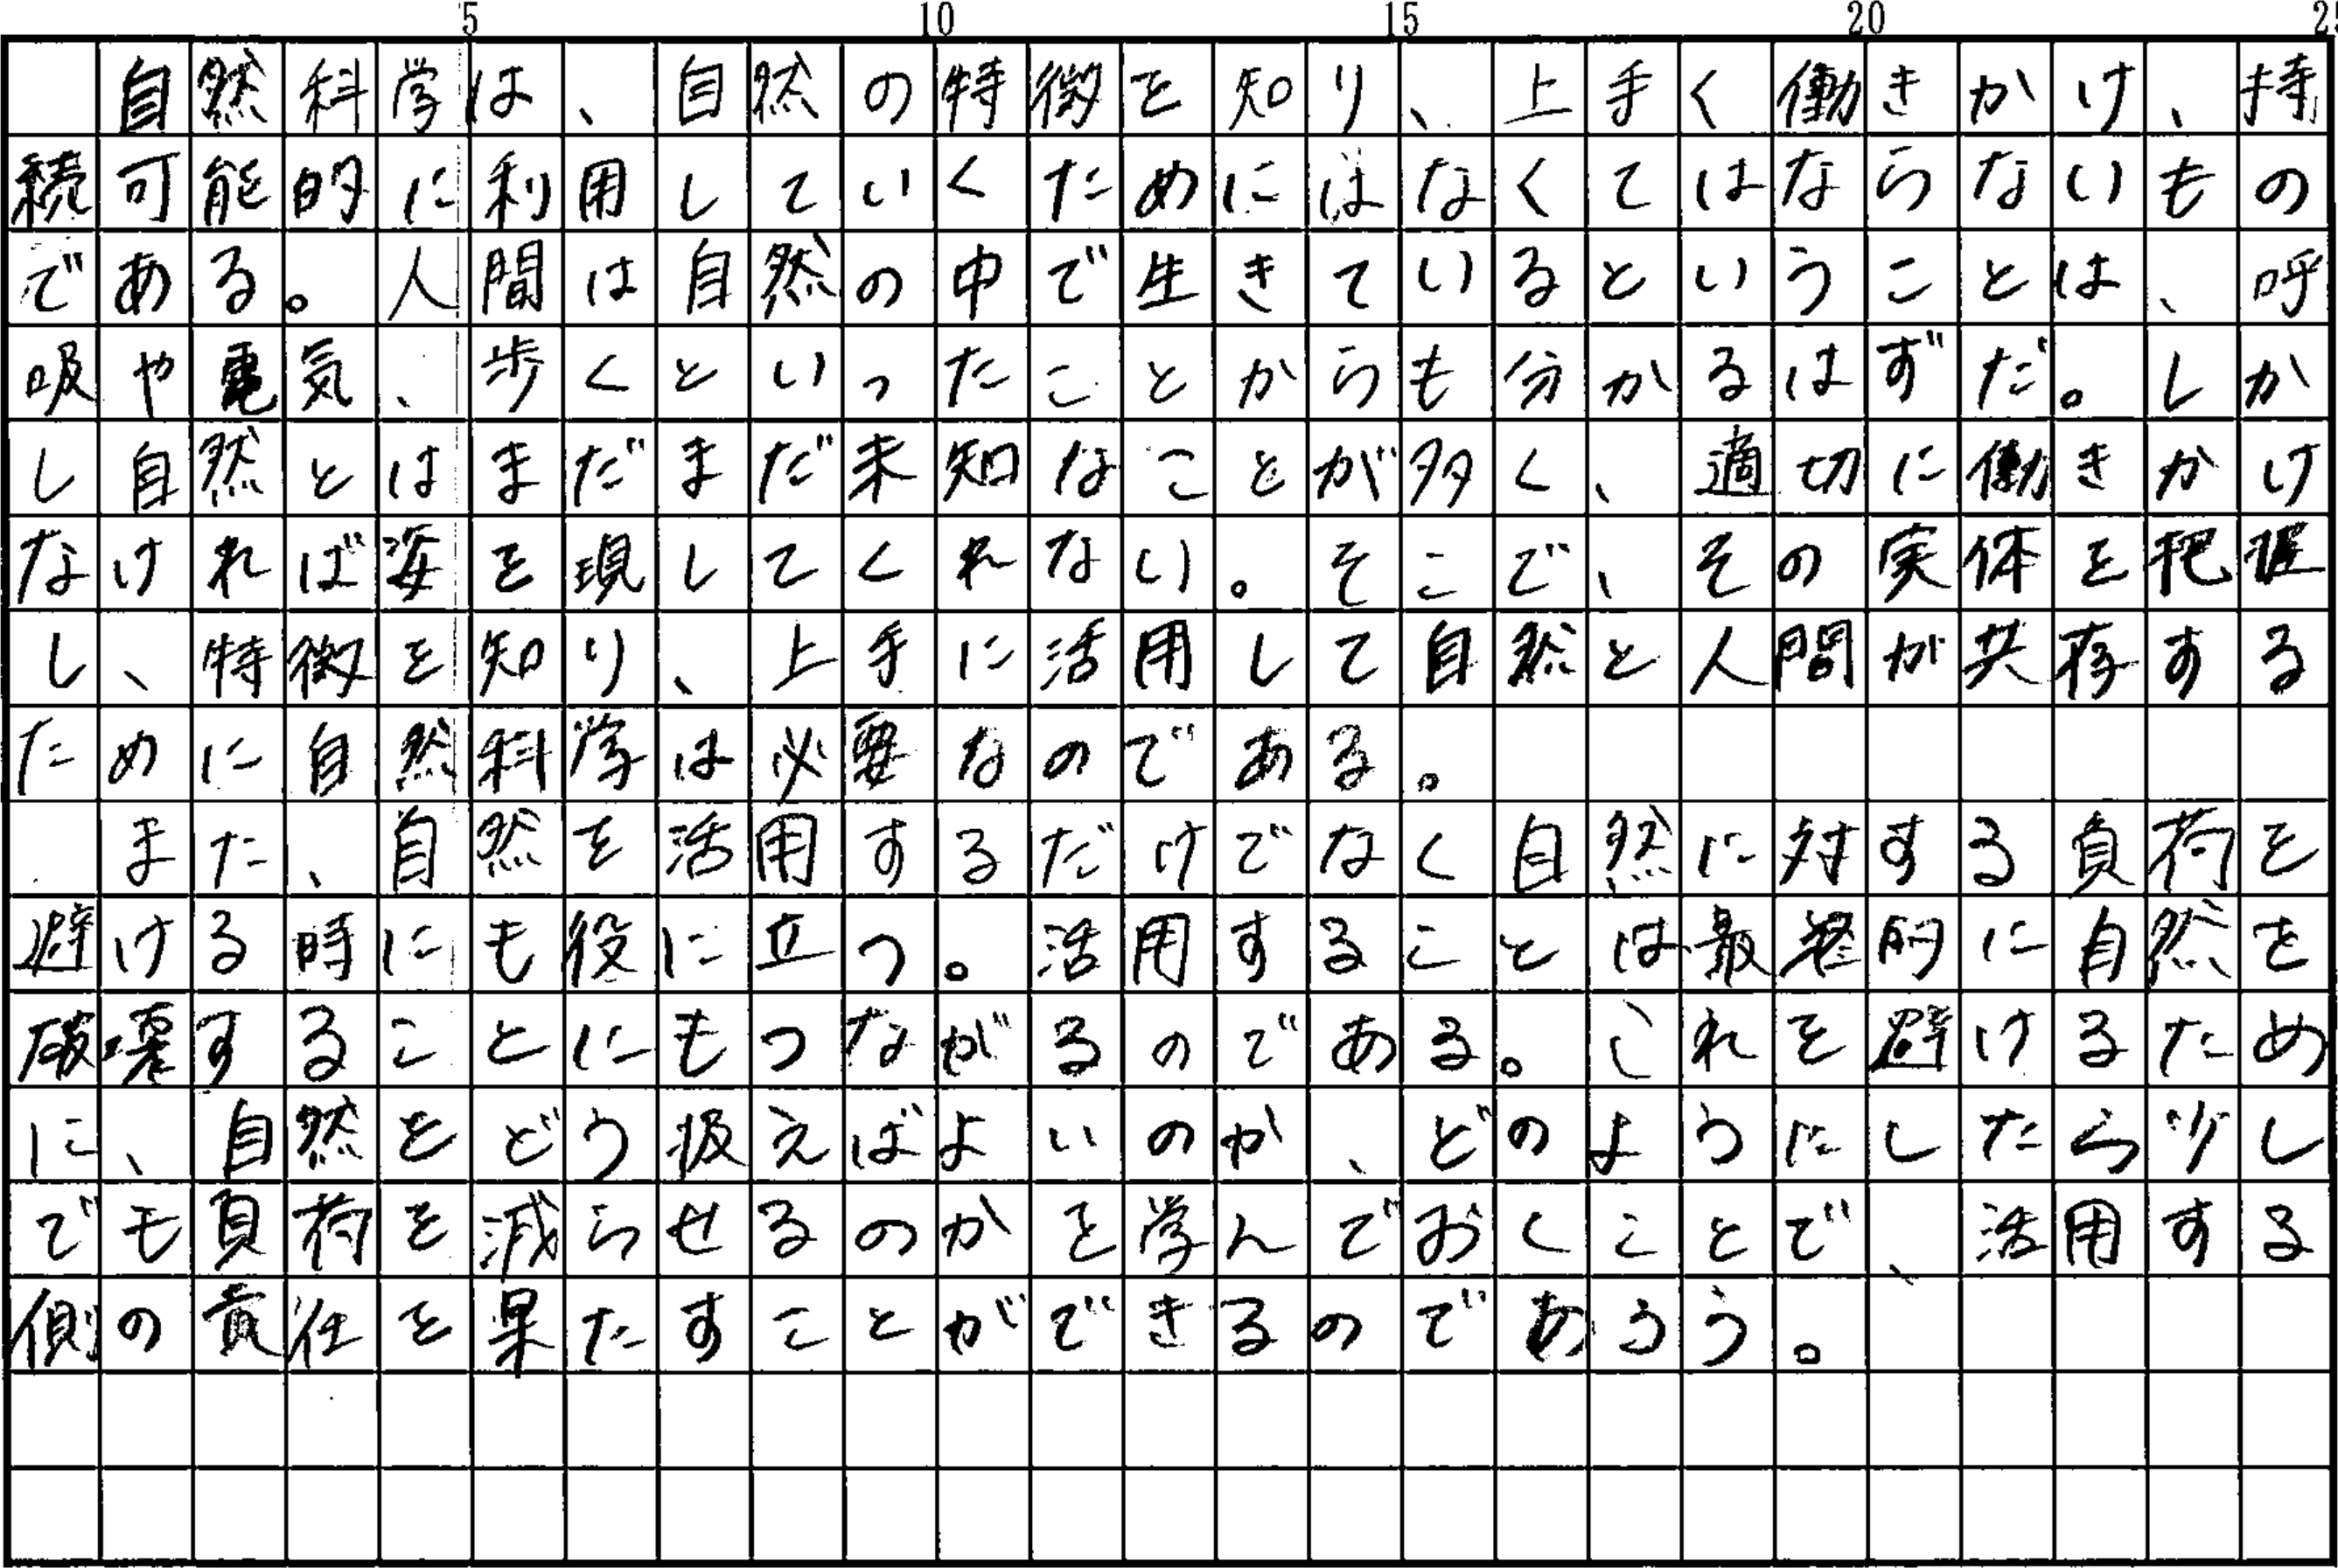　自然科学は、自然の特徴を知り、上手く働きかけ、持続可能的に利用していくためにはなくてはならないものである。人間は自然の中で生きているということは、呼吸や電気、歩くといったことからも分かるはずだ。しかし自然とはまだまだ未知なことが多く、適切に働きかけなければ姿を現してくれない。そこで、その実体を把握し、特徴を知り、上手に活用して自然と人間が共存するために自然科学は必要なのである。
　また、自然を活用するだけでなく自然に対する負荷を避ける時にも役に立つ。活用することは最終的に自然を破壊することにもつながるのである。これを避けるために、自然をどう扱えばよいのか、どのようにしたら少しでも負荷を減らせるのかを学んでおくことで、活用する側の責任を果たすことができるのであろう。
